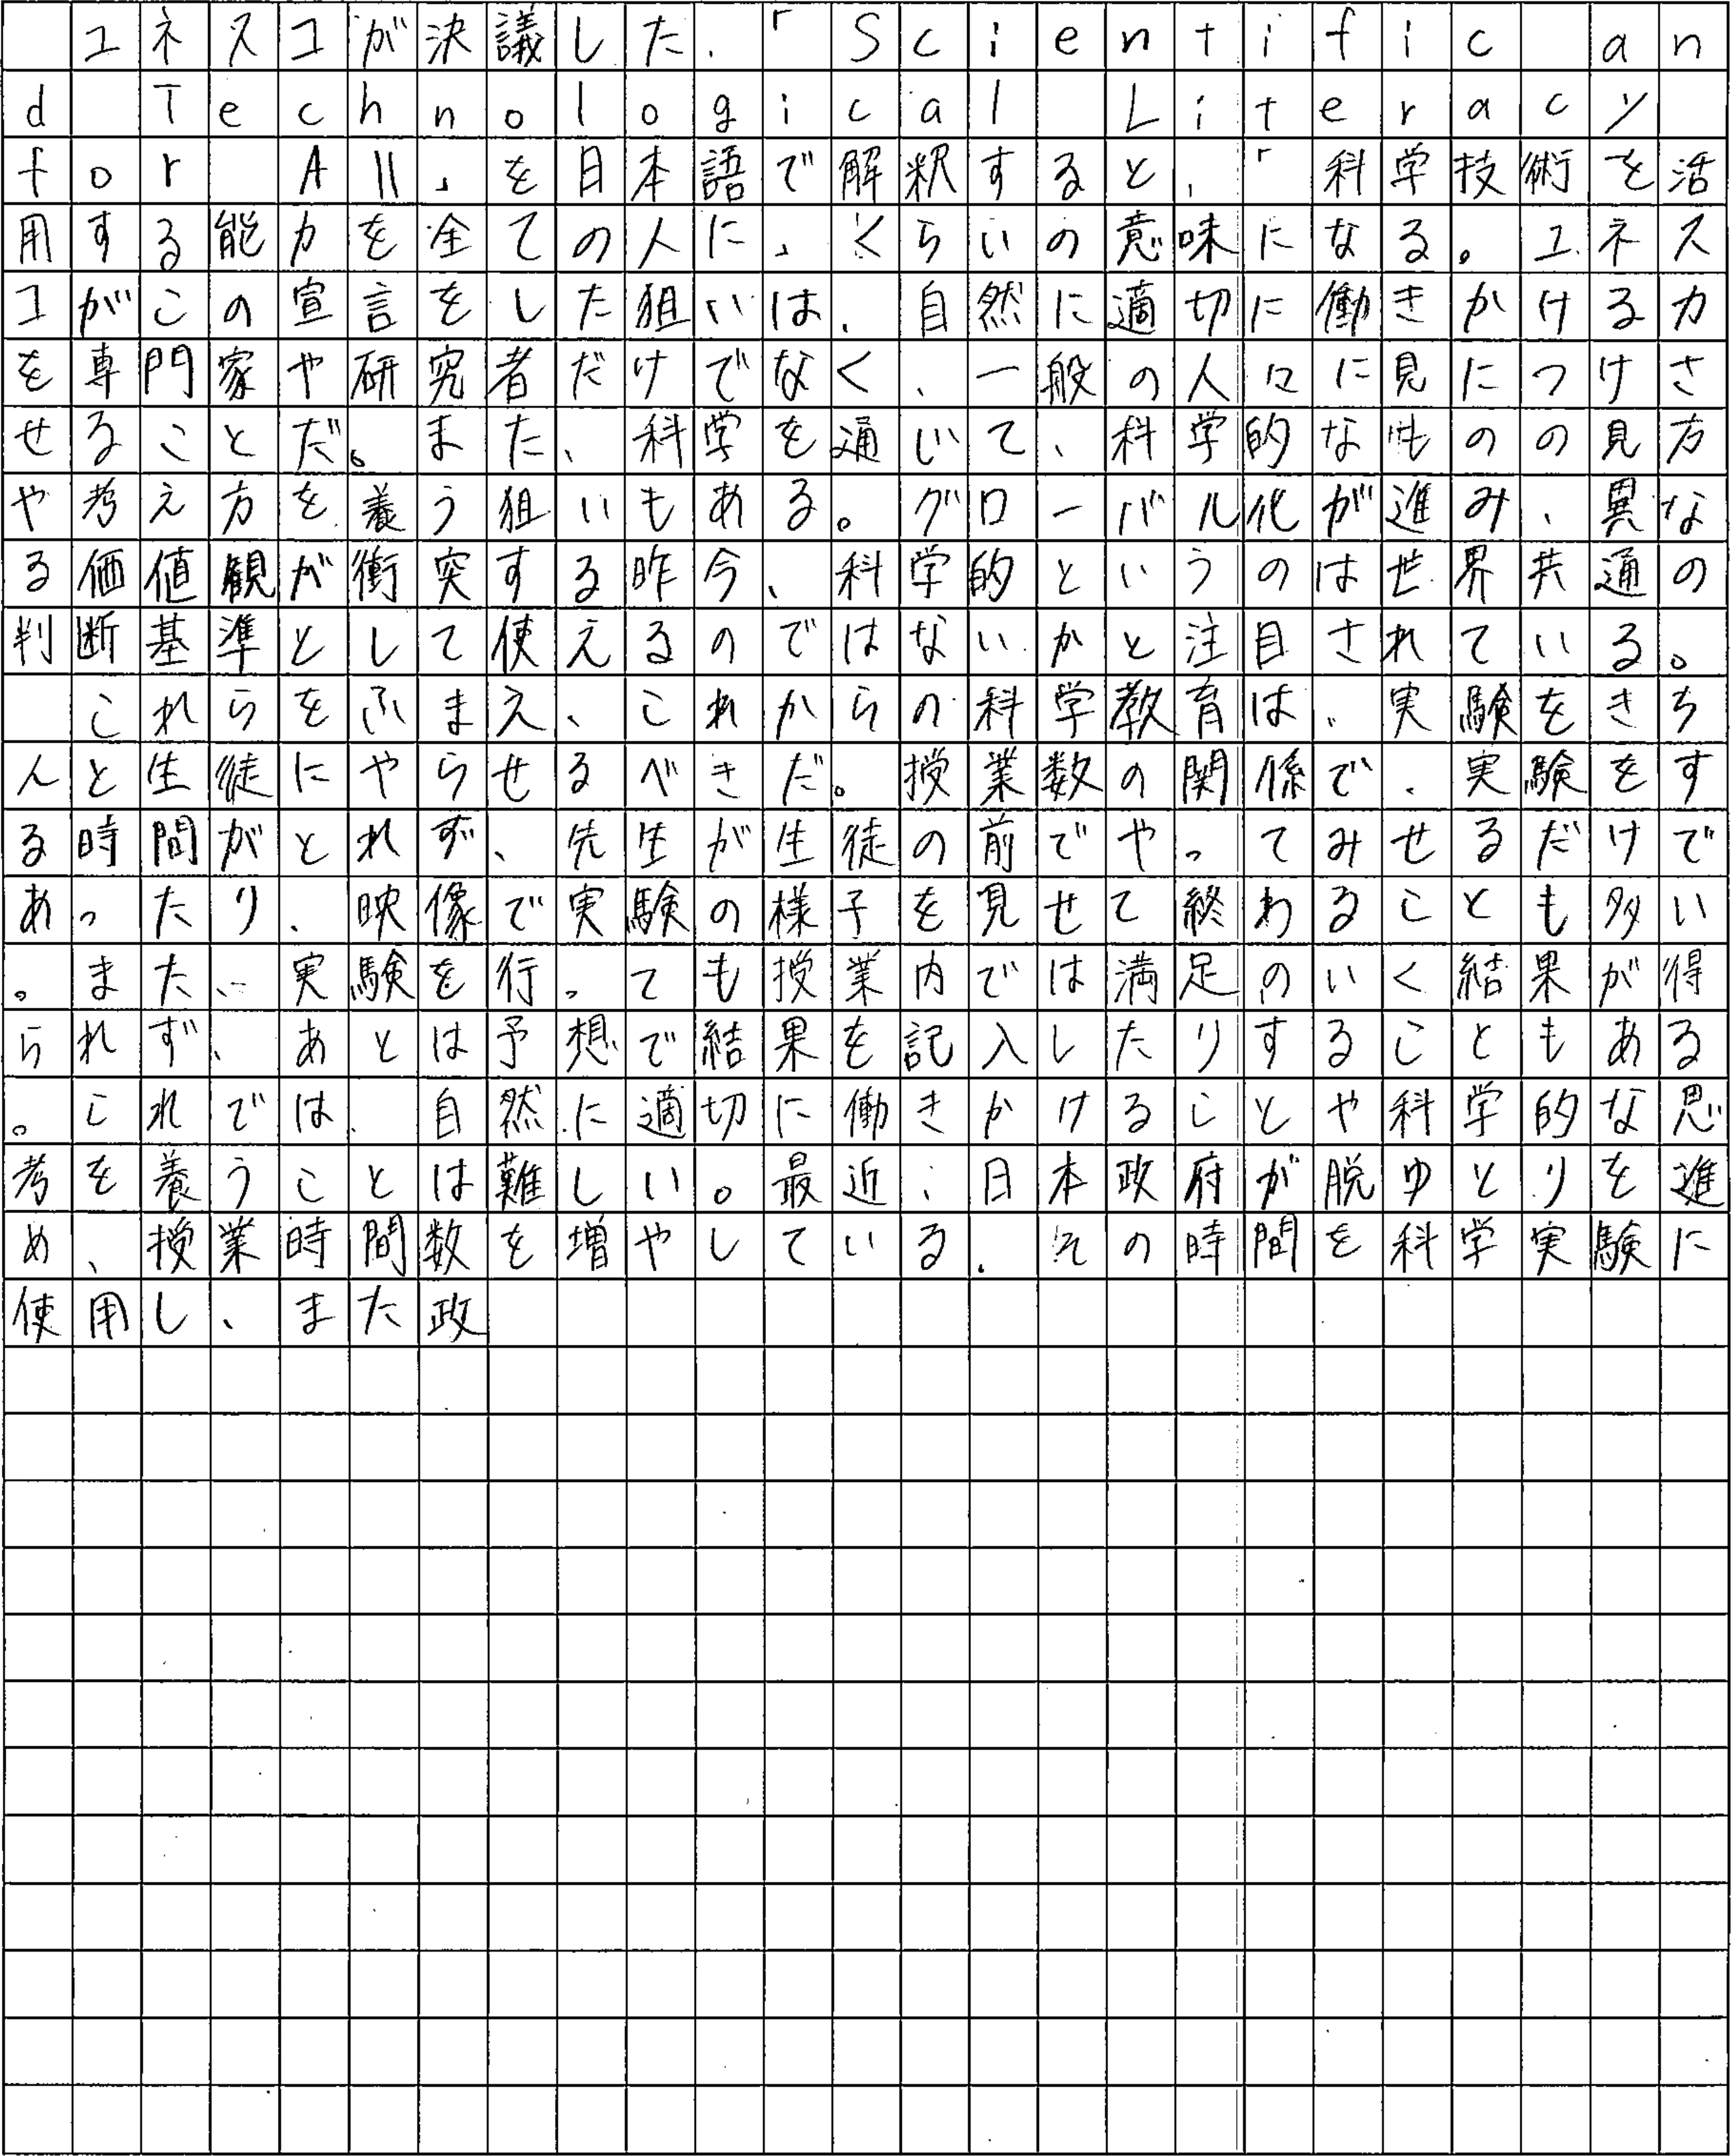　ユネスコが決議した、「Ｓｃｉｅｎｔｉｆｉｃ　ａｎｄ　Ｔｅｃｈｎｏｌｏｇｉｃａｌ　Ｌｉｔｅｒａｃｙ　ｆｏｒ　Ａｌｌ」を日本語で解釈すると、「科学技術を活用する能力を全ての人に」くらいの意味になる。ユネスコがこの宣言をした狙いは、自然に適切に働きかける力を専門家や研究者だけでなく、一般の人々に見につけさせることだ。また、科学を通じて、科学的なものの見方や考え方を養う狙いもある。グローバル化が進み、異なる価値観が衝突する昨今、科学的というのは世界共通の判断基準として使えるのではないかと注目されている。
　これらをふまえ、これからの科学教育は、実験をきちんと生徒にやらせるべきだ。授業数の関係で、実験をする時間がとれず、先生が生徒の前でやってみせるだけであったり、映像で実験の様子を見せて終わることも多い。また、実験を行っても授業内では満足のいく結果が得られず、あとは予想で結果を記入したりすることもある。これでは、自然に適切に働きかけることや科学的な思考を養うことは難しい。最近、日本政府が脱ゆとりを進め、授業時間数を増やしている。その時間を科学実験に使用し、また政
